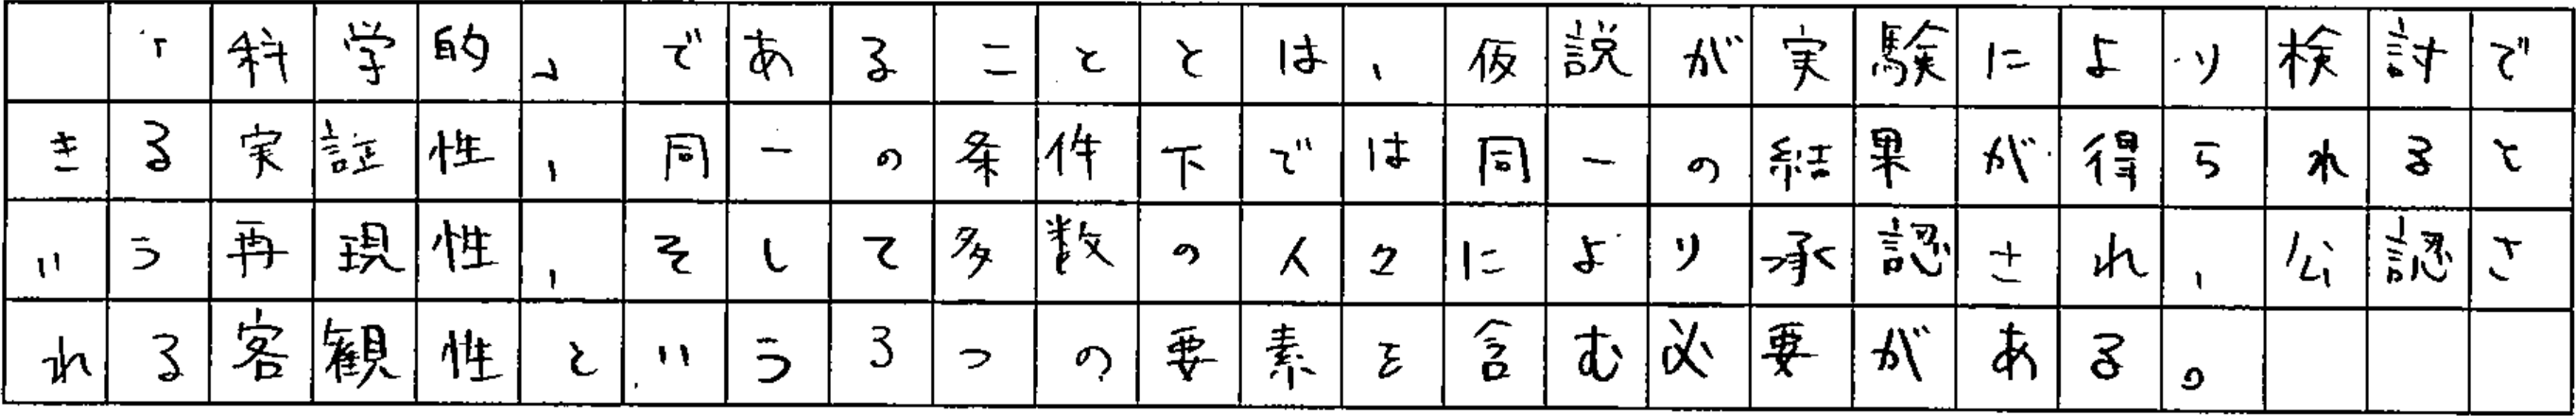　「科学的」であることとは、仮説が実験により検討できる実証性、同一の条件下では同一の結果が得られるという再現性、そして多数の人々により承認され、公認される客観性という３つの要素を含む必要がある。
